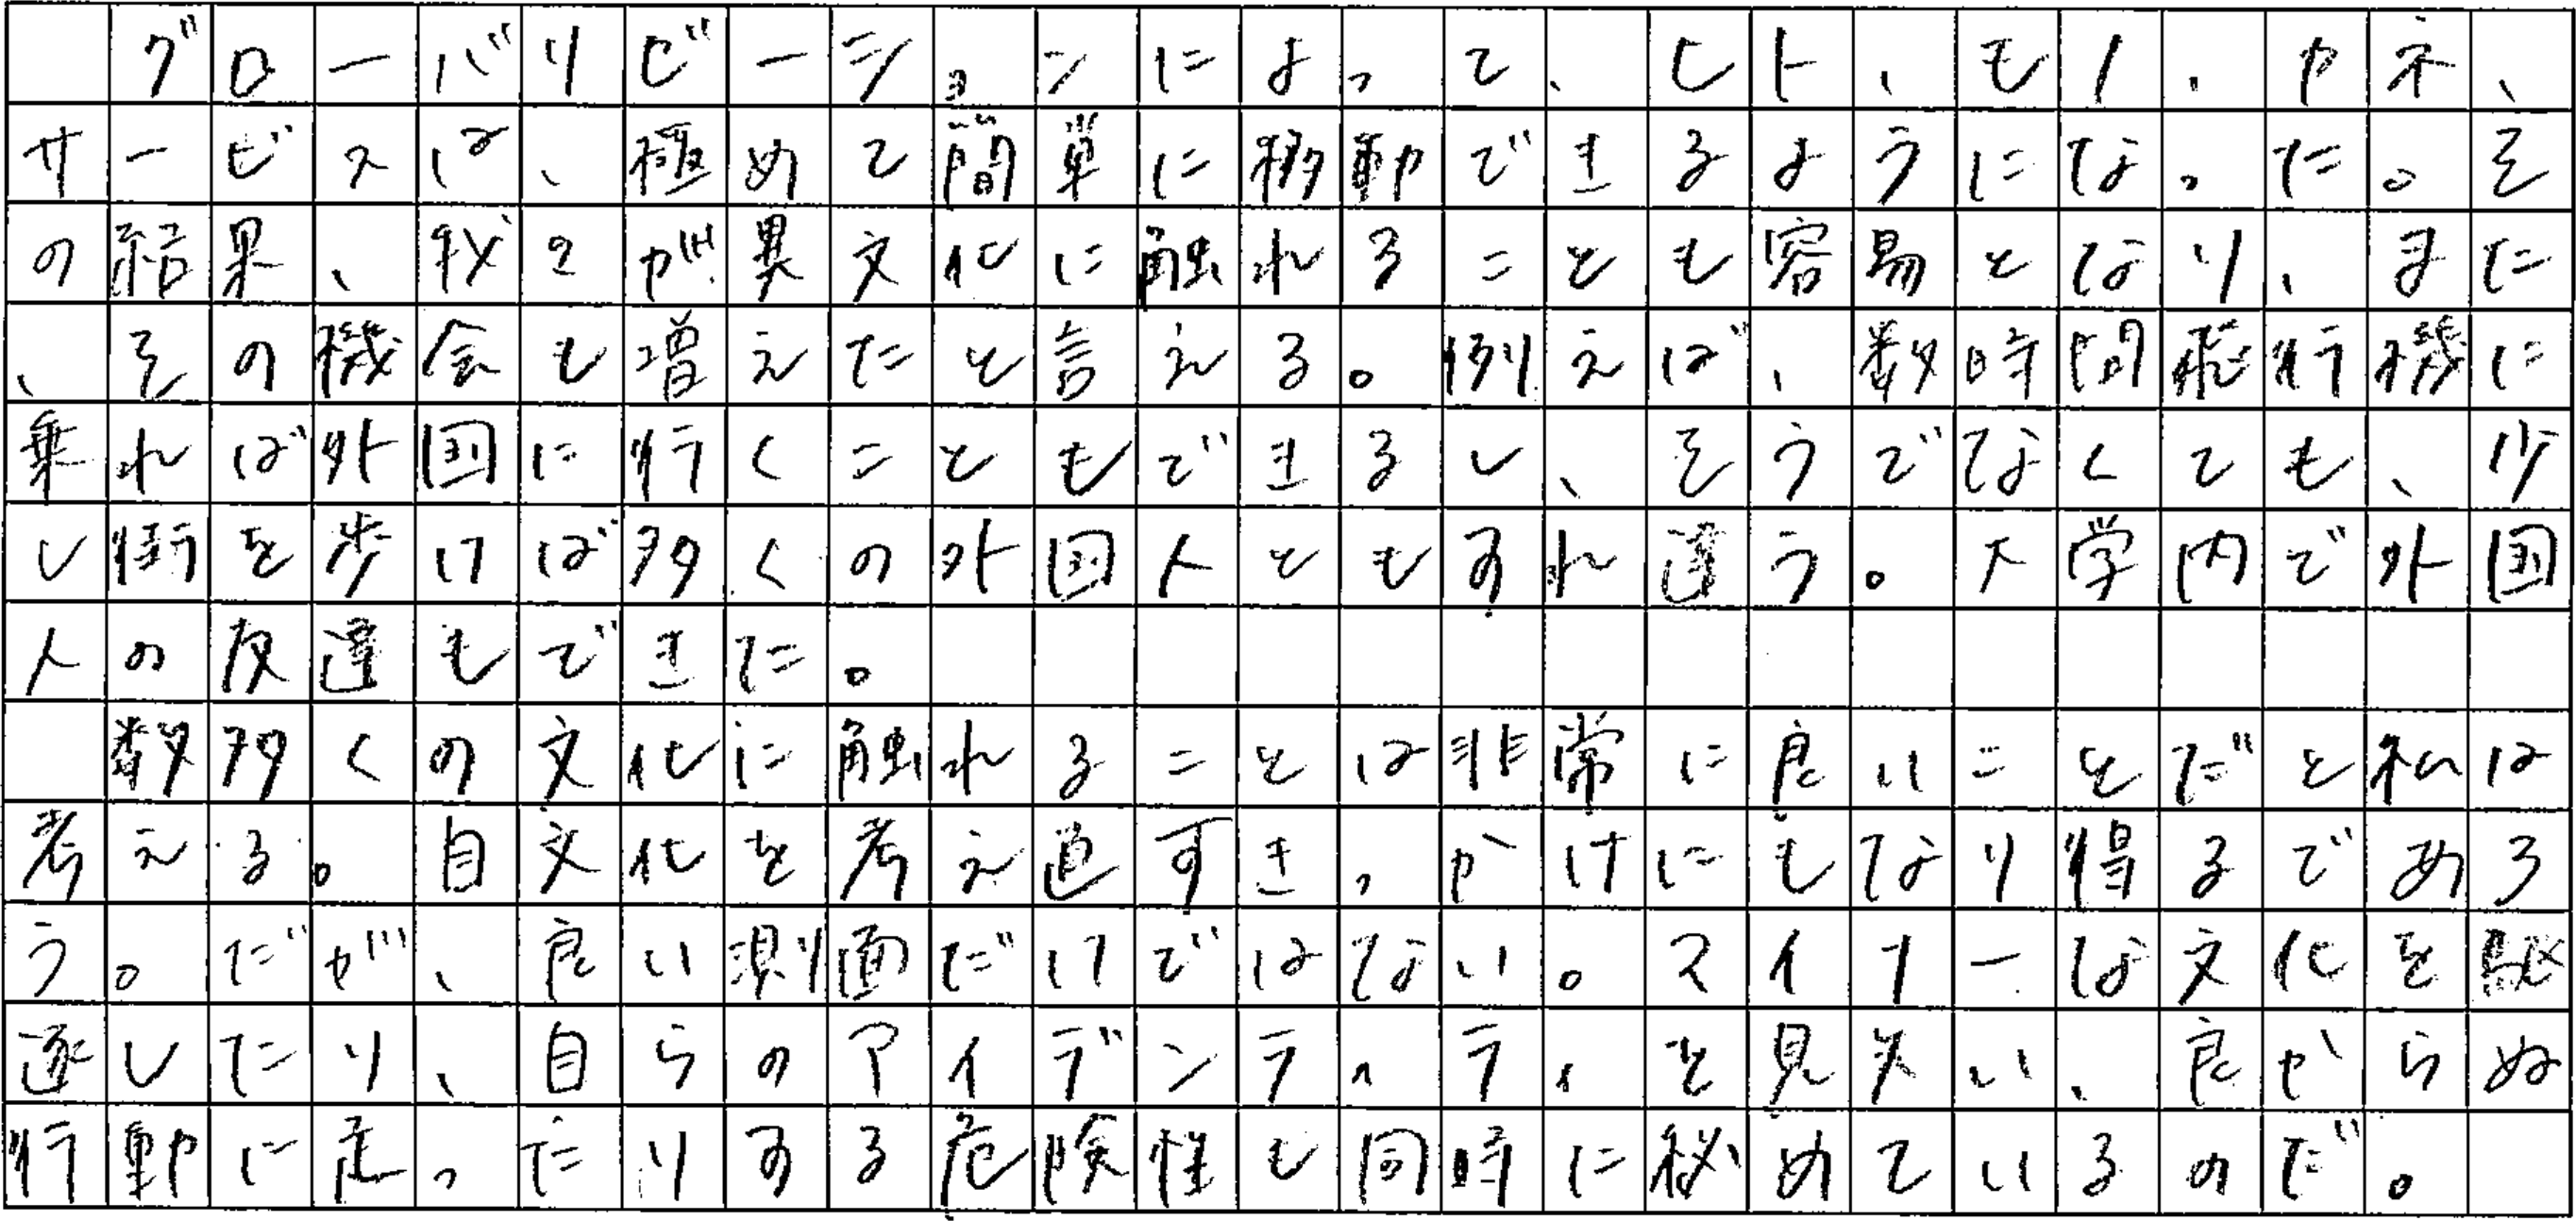　グローバリゼーションによって、ヒト、モノ、カネ、サービスは、極めて簡単に移動できるようになった。その結果、我々が異文化に触れることも容易となり、また、その機会も増えたと言える。例えば、数時間飛行機に乗れば外国に行くこともできるし、そうでなくとも、少し街を歩けば多くの外国人ともすれ違う。大学内で外国人の友達もできた。
　数多くの文化に触れることは非常に良いことだと私は考える。自分化を考え直すきっかけにもなり得るであろう。だが、良い測面だけではない。マイナーな文化を駆逐したり、自らのアイデンティティを見失い、良からぬ行動に走ったりする危険性も同時に秘めているのだ。
